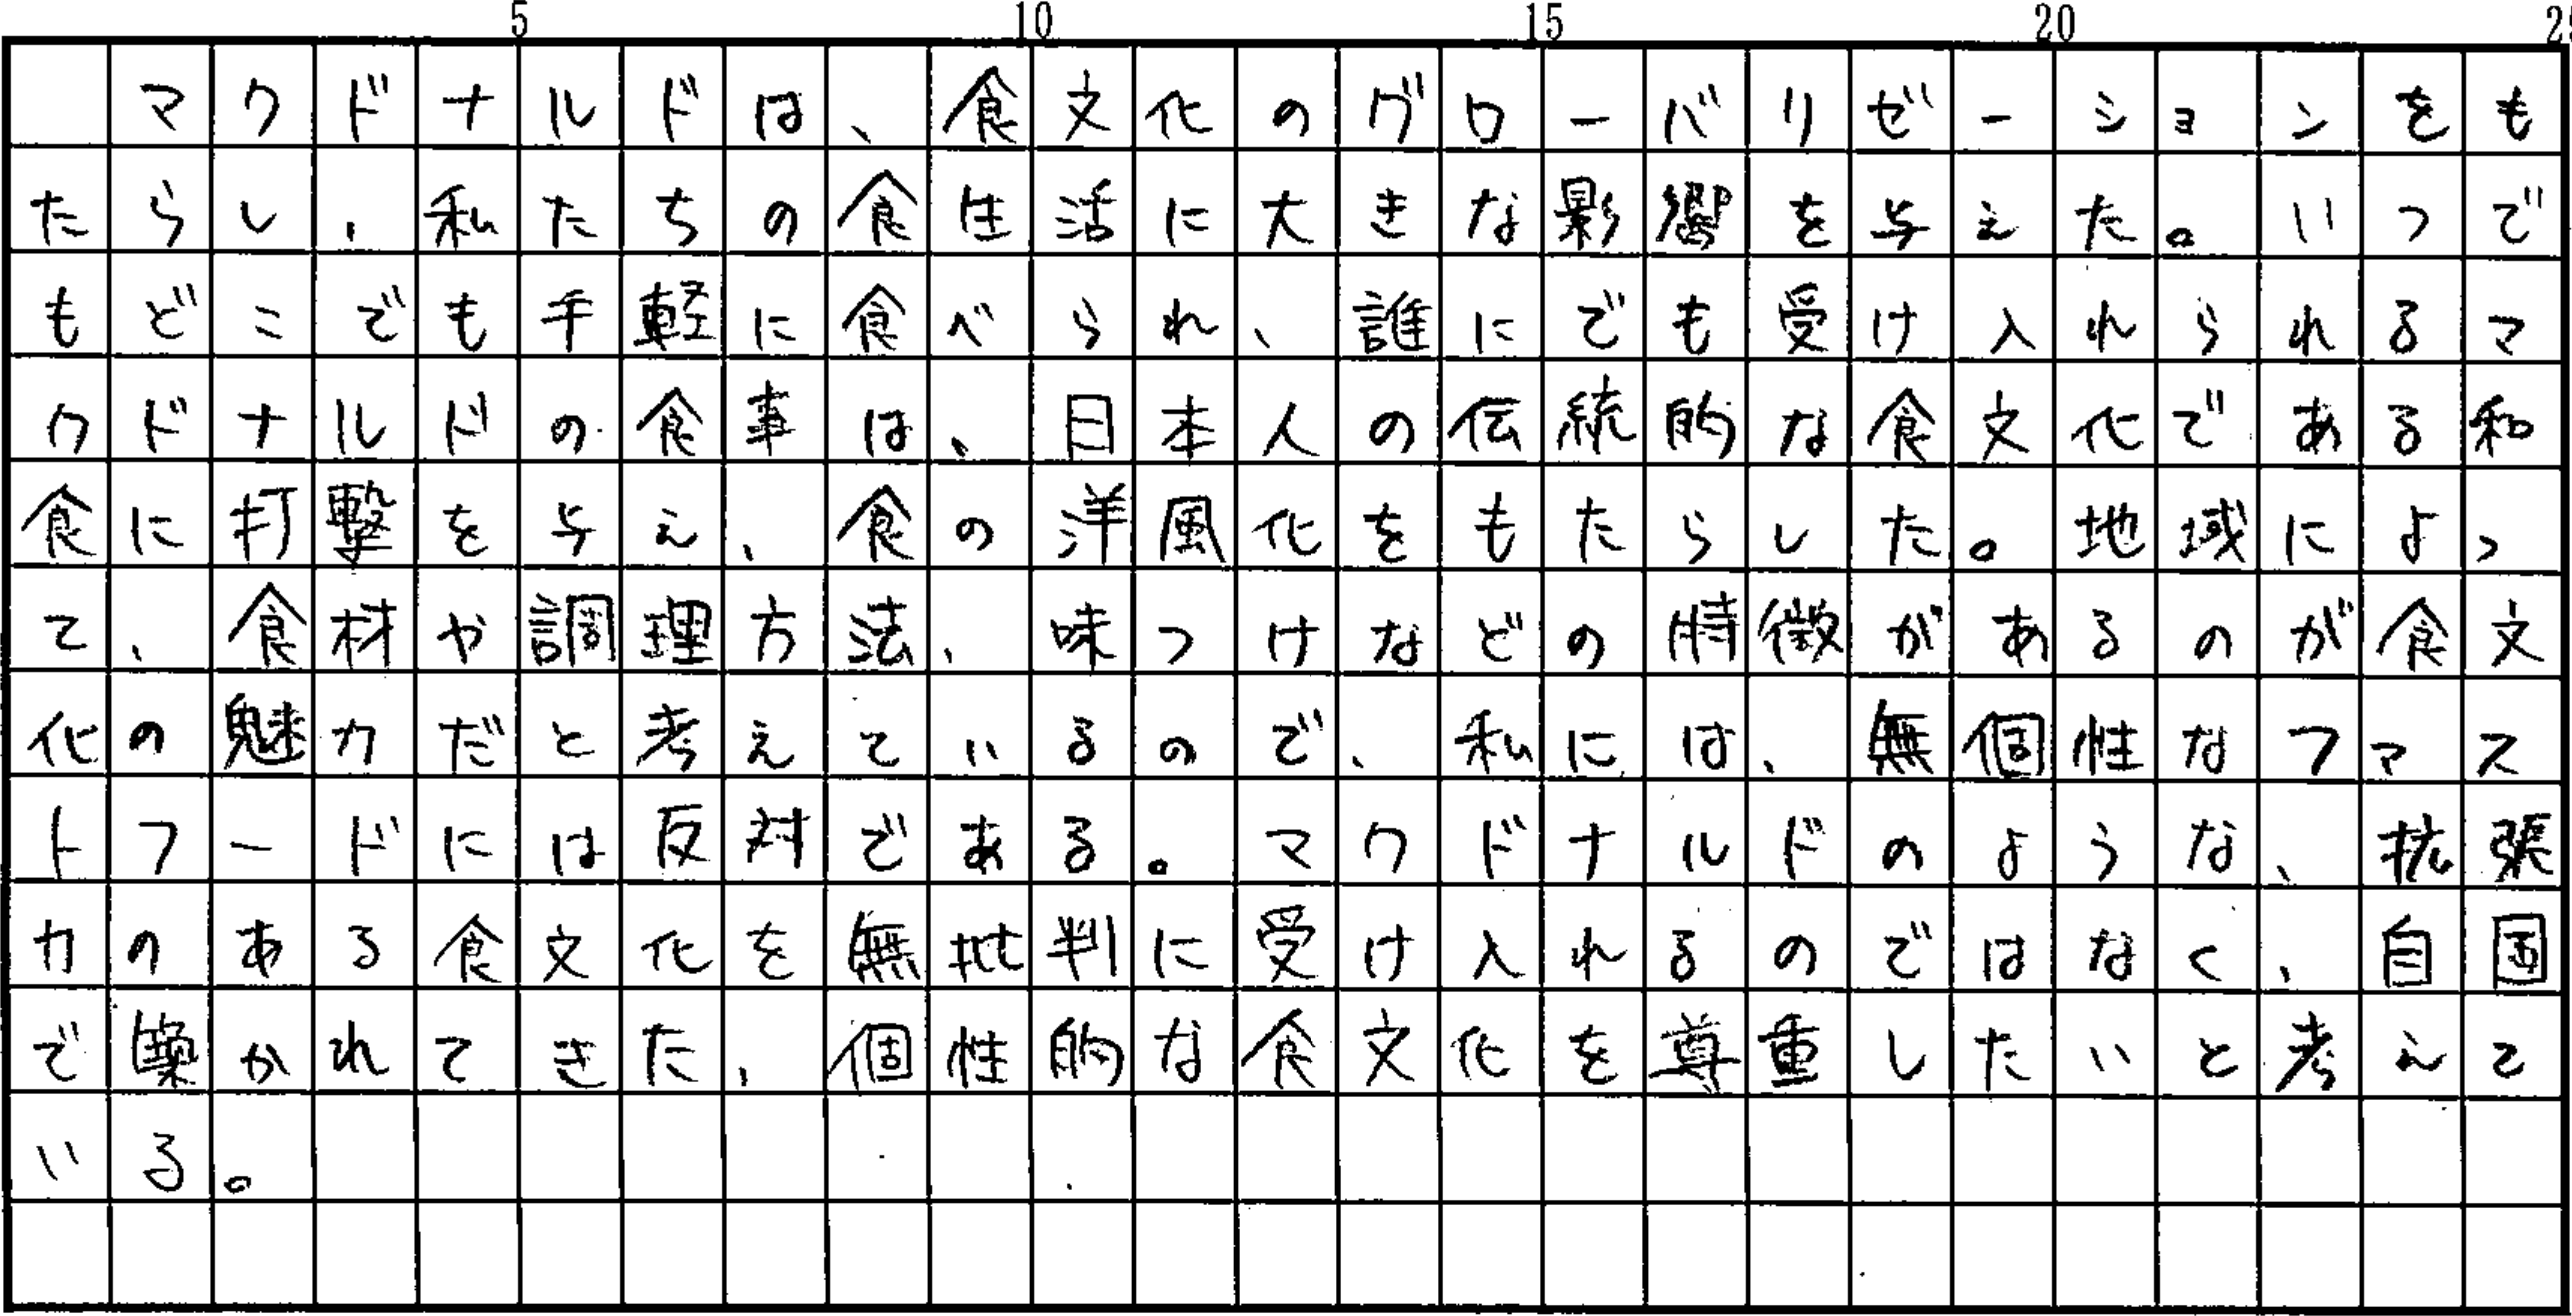　マクドナルドは、食文化のグローバリゼーションをもたらし、私たちの食生活に大きな影響を与えた。いつでもどこでも手軽に食べられ、誰にでも受け入れられるマクドナルドの食事は、日本人の伝統的な食文化である和食に打撃を与え、食の洋風化をもたらした。地域によって、食材や調理方法、味つけなどの特徴があるのが食文化の魅力だと考えているので、私には、無個性なファストフードには反対である。マクドナルドのような、拡張力のある食文化を無批判に受け入れるのではなく、自国で築かれてきた、個性的な食文化を尊重したいと考えている。
